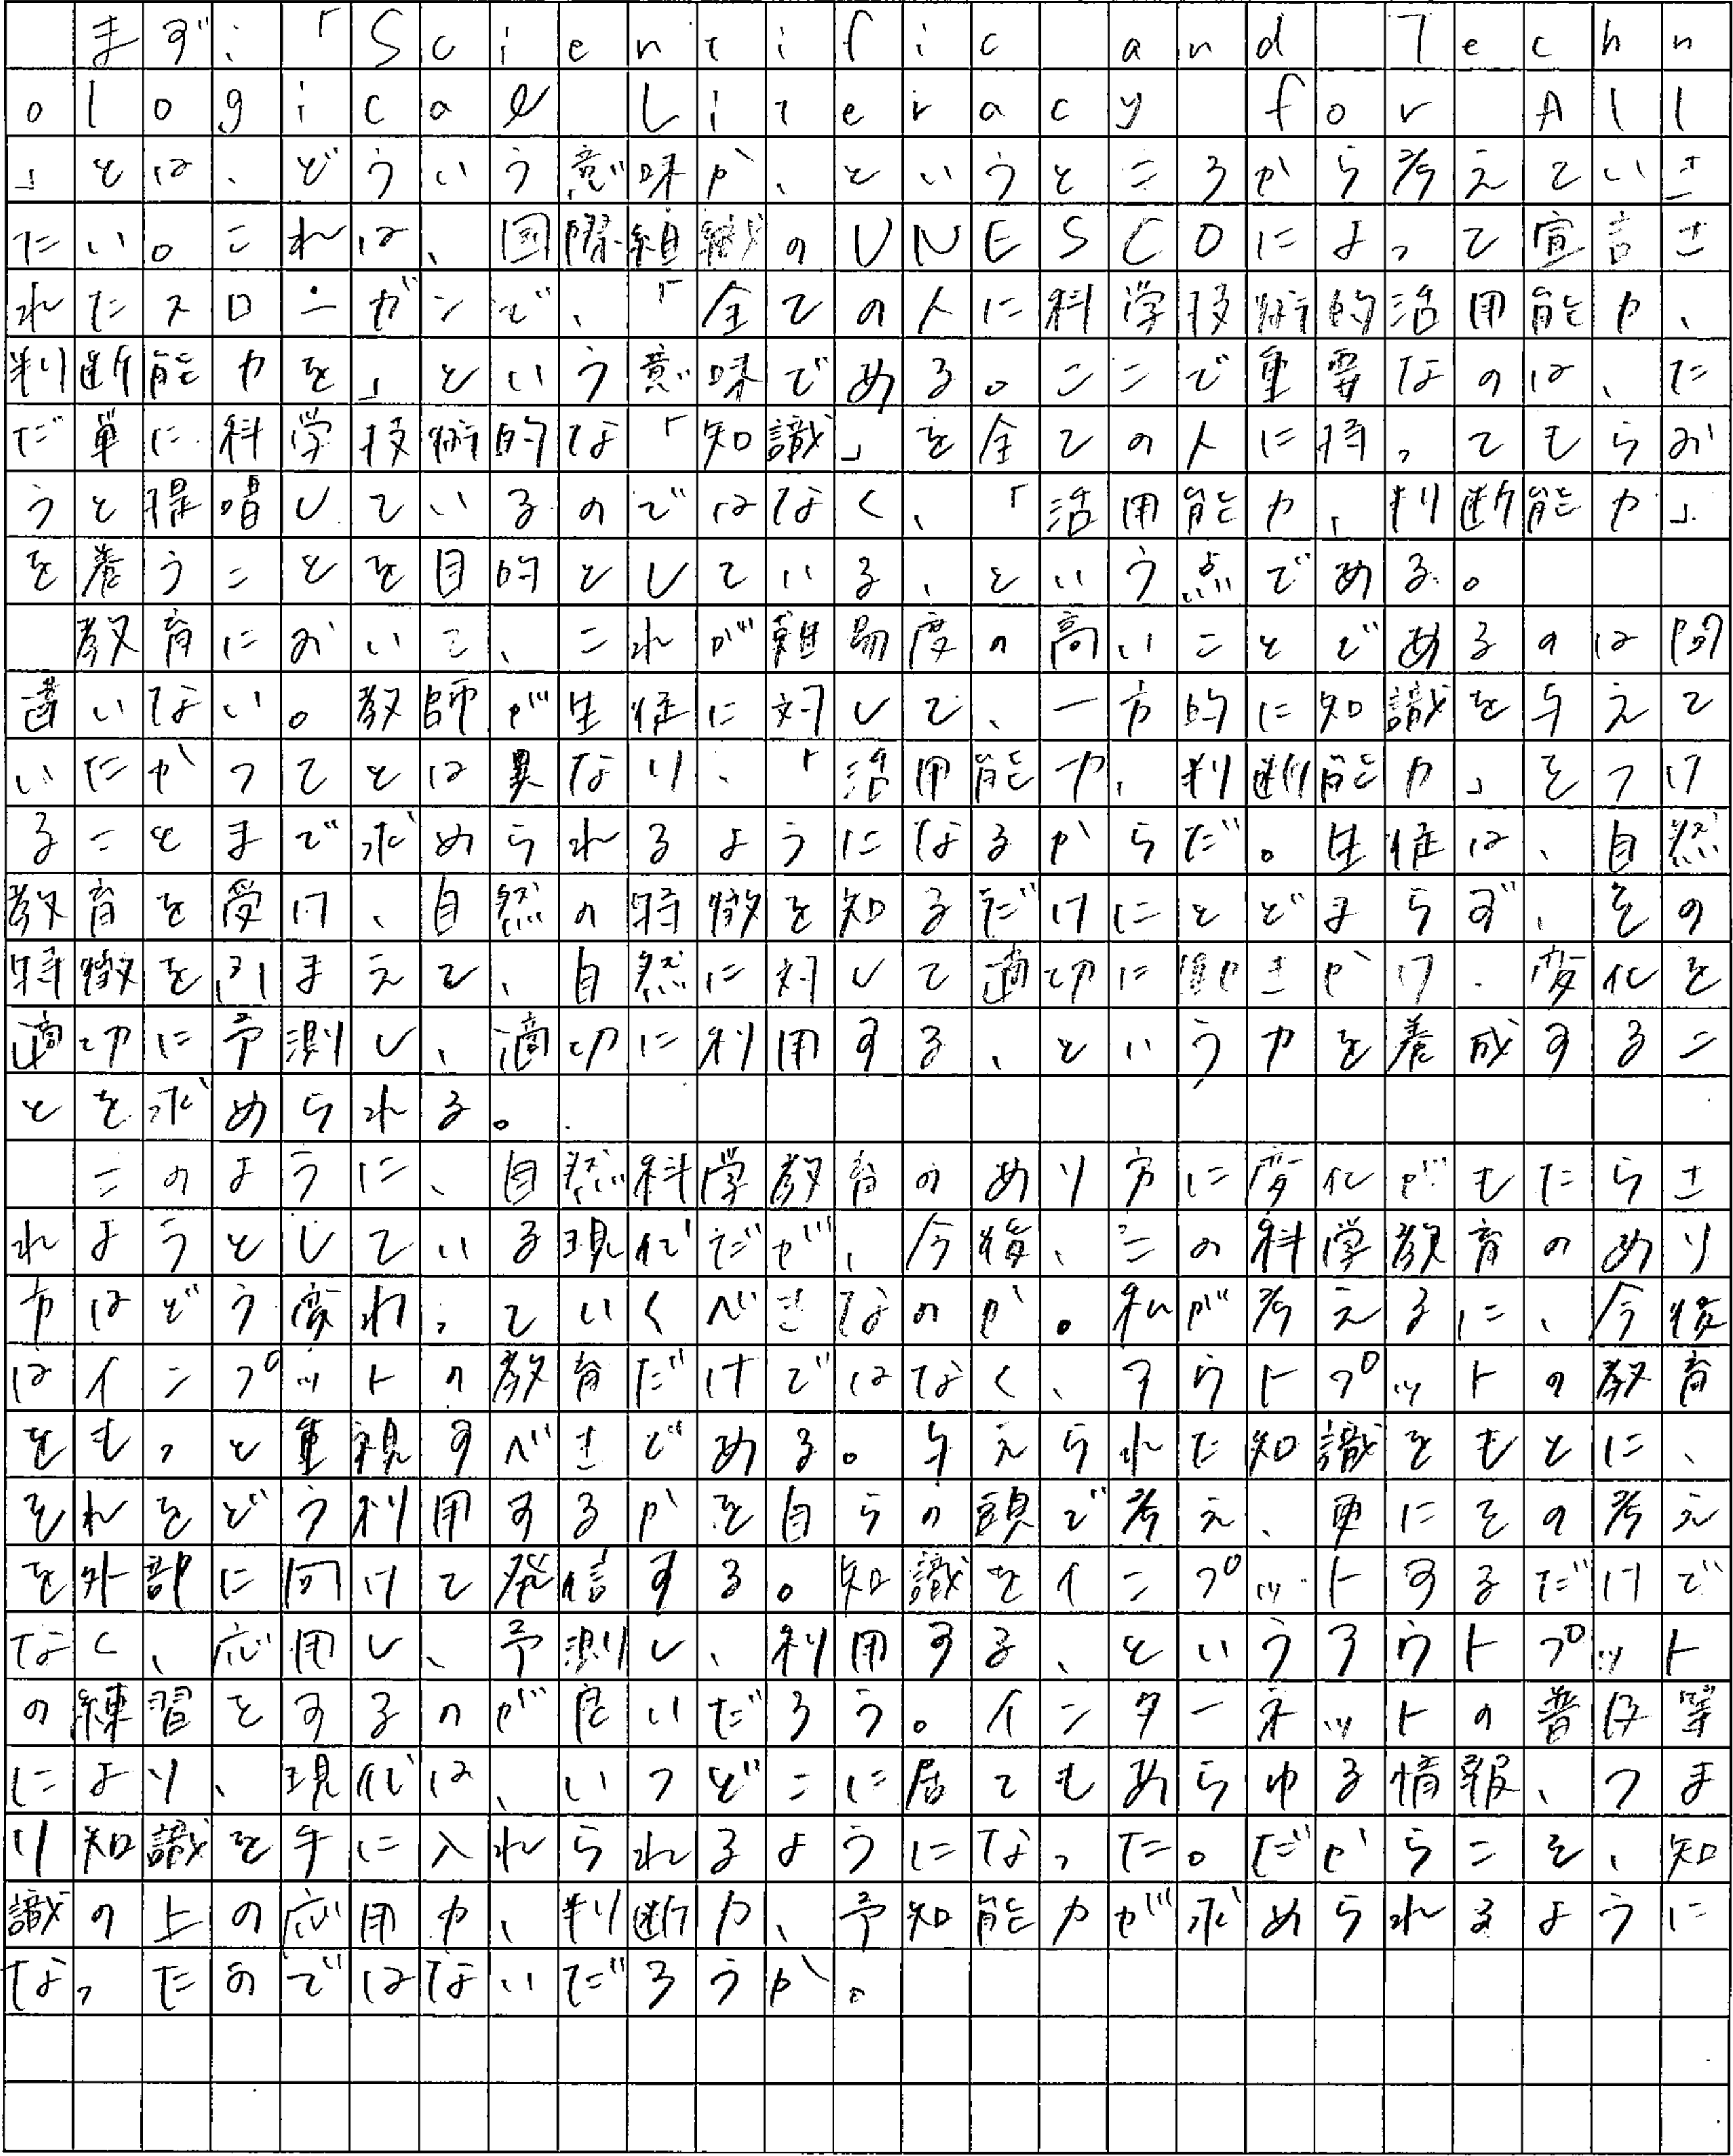　まず、「Ｓｉｅｎｔｉｆｉｃ　ａｎｄ　Ｔｅｃｈｎｏｌｏｇｉｃａｌ　Ｌｉｔｅｒａｃｙ　ｆｏｒ　Ａｌｌ」とは、どういう意味か、というところから考えていきたい。これは、国際組織のＵＮＥＳＣＯによって宣言されたスローガンで、「全ての人に科学技術的活用能力、判断能力を」という意味である。ここで重要なのは、ただ単に科学技術的な「知識」を全ての人に持ってもらおうと提唱しているのではなく、「活用能力、判断能力」を養うことを目的としている、という点である。
　教育において、これが難易度の高いことであるのは間違いない。教師が生徒に対して、一方的に知識を与えていたかつてとは異なり、「活用能力、判断能力」をつけることまで求められるようになるからだ。生徒は、自然教育を受け、自然の特徴を知るだけにとどまらず、その特徴をふまえて、自然に対して適切に働きかけ、変化を適切に予測し、適切に利用する、という力を養成することを求められる。
　このように、自然科学教育のあり方に変化がもたらされようとしている現代だが、今後、この科学教育のあり方はどう変わっていくべきなのか。私が考えるに、今後はインプットの教育だけではなく、アウトプットの教育をもっと重視すべきである。与えられた知識をもとに、それをどう利用するかを自らの頭で考え、更にその考えを外部に向けて発信する。知識をインプットするだけでなく、応用し、予測し、利用する、というアウトプットの練習をするのが良いだろう。インターネットの普及等により、現代は、いつどこに居てもあらゆる情報、つまり知識を手に入れられるようになった。だからこそ、知識の上の応用力、判断力、予知能力が求められるようになったのではないだろうか。
